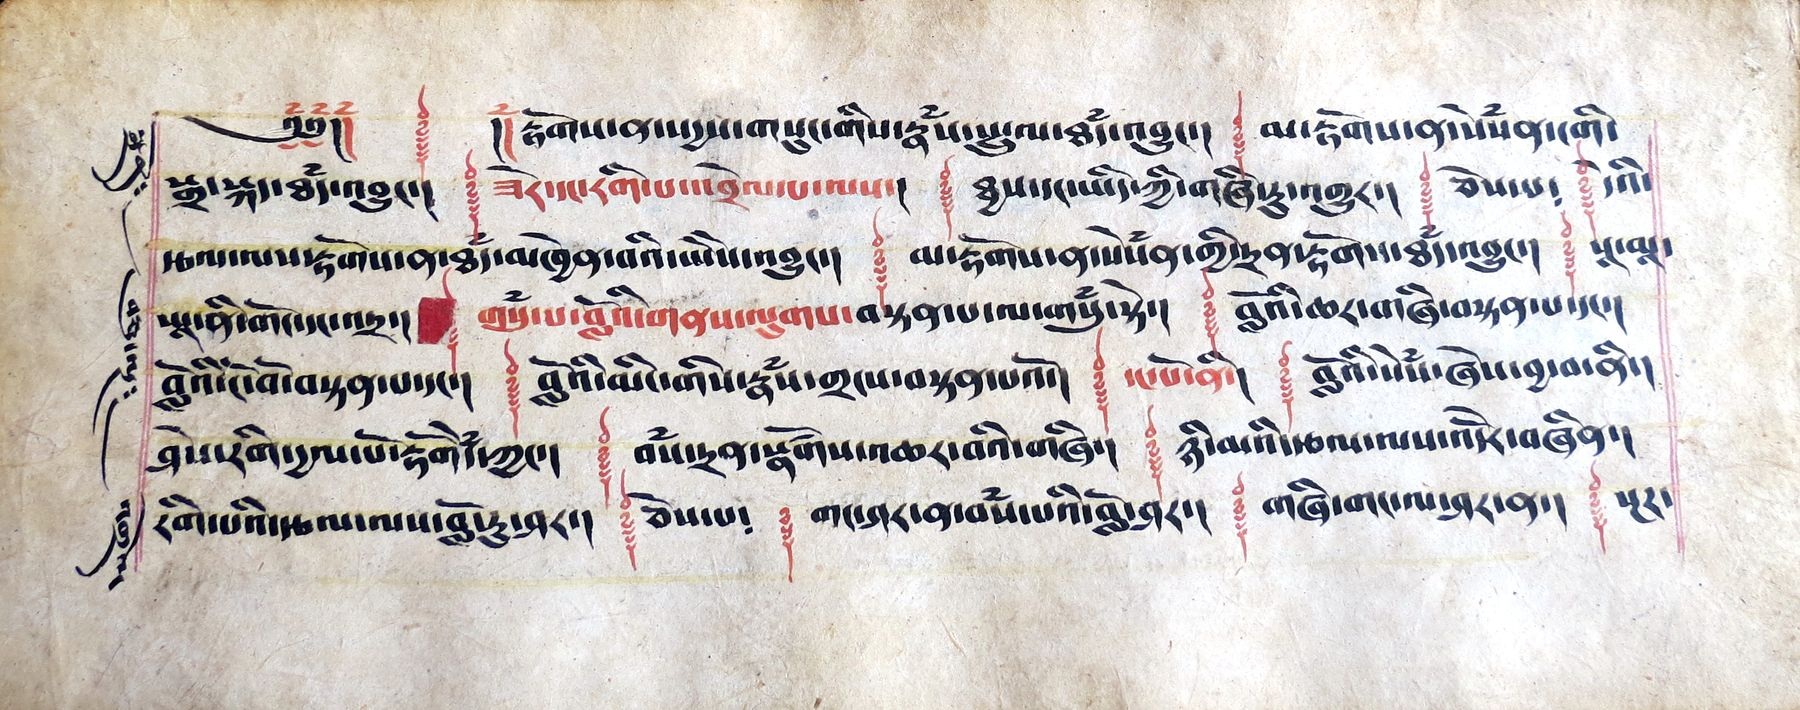རྟོགས་ན་སངས་རྒྱས་གསུང་གི་རྣམ་སྤྲུལ་ཐམས་ཅད་འབྱུང་། མ་རྟོགས་ན་སེམས་ཅན་ངག་གི་
སྒྲ་སྐད་ཐམས་ཅད་འབྱུང་། ཟེར་དང་རིག་པ་འབྲེལ་བ་ལས། ཐུགས་དང་ཡིད་ཀྱི་གཞི་རུ་གྱུར། ཅེས་པས། དེའི་
རྩལ་ལས་རྟོགས་ན་སངས་རྒྱས་མཁྱེན་པའི་ཡེ་ཤེས་ཐམས་ཅད་འབྱུང་། མ་རྟོགས་ན་སེམས་ཅན་གྱི་དྲན་རྟོག་ཐམས་ཅད་འབྱུང་། ས་མ་
ཡ་ནི་གོང་དང་འདྲ།ག༽ གསུམ་པ་བློའི་གནས་ལུགས་བསྟན་པ་ལ་གསུམ་སྟེ། བློའི་འཆར་གཞིར་བསྟན་པ་དང་། 
བློའི་ངོ་བོ་བསྟན་པ་དང་། བློའི་མིང་གི་རྣམ་གྲངས་བསྟན་པའོ། །དང་པོ་ནི། བློའི་སེམས་ཞེས་བྱ་བ་ནི། 
ཤེས་རིག་རྒྱལ་པོ་རྟོག་མེད་ཀྱང་། བསམ་དྲན་སྣ་ཚོགས་འཆར་བའི་གཞི། ཉི་མའི་རྩལ་ལས་འོད་ཟེར་བཞིན། 
རིག་པའི་རྩལ་ལས་བློ་རུ་ཤར། །ཅེས་པས་གང་ཤར་ན་བསམ་པའི་བློ་ཤར། གཞི་གང་ལས་ཤར་ན། སྔར་